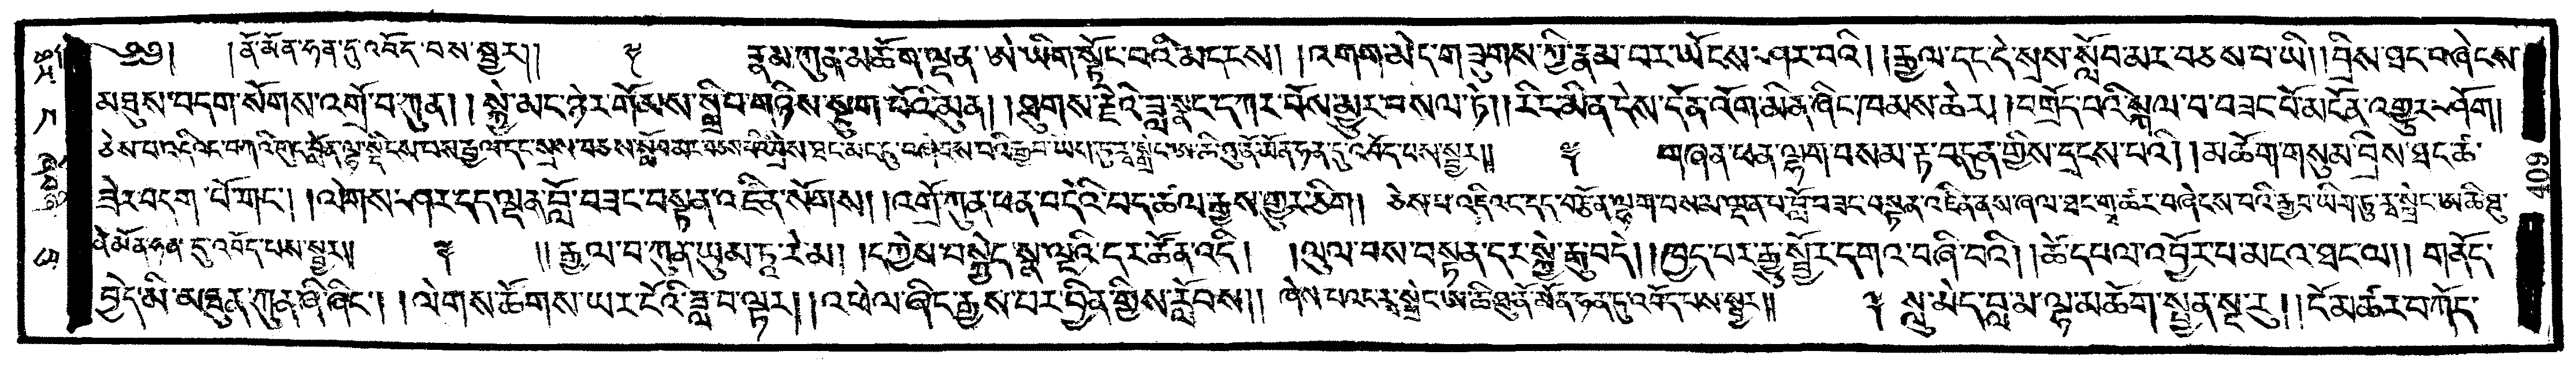༄༅། །ནོ་མོན་ཧན་དུ་འབོད་བས་སྦྱར།། ༈ རྣམ་ཀུན་མཆོག་ལྡན་ཨེ་ཡིག་སྟོང་པའི་མདངས། །འགག་མེད་གཟུགས་ཀྱི་རྣམ་པར་ཡོངས་ཤར་བའི། །རྒྱལ་དང་དེ་སྲས་སློབ་མར་བཅས་པ་ཡི། །བྲིས་ཐང་བཞེངས་
མཐུས་བདག་སོགས་འགྲོ་བ་ཀུན། །སྐྱེ་མང་ཉེར་གོམས་སྒྲིབ་གཉིས་སྡུག་པོའི་མུན། །ཐུགས་རྗེའི་ཟླ་སྣང་དཀར་པོས་མྱུར་བསལ་ཏེ། །རིང་མིན་དེས་དོན་འོག་མིན་ཞིང་ཁམས་ཆེར། །བགྲོད་པའི་སྐལ་བ་བཟང་པོ་མངོན་འགྱུར་ཤོག།
ཅེས་པ་འདིའང་བཀའི་གུང་བློན་ལྷ་སྡིངས་བས་རྒྱལ་དང་སྲས་བཅས་སློབ་མར་བཅས་པའི་བྲིས་ཐང་མང་དུ་བཞེངས་བའི་རྒྱབ་ཡིག་ཏུ་རྭ་སྒྲེང་ཨ་ཆི་ཐུ་ནོ་མོན་ཧན་དུ་འབོད་པས་སྦྱར།། ༈ གཞན་ཕན་ལྷག་བསམ་རྟ་བདུན་གྱིས་དྲངས་པའི། མཆོག་གསུམ་བྲིས་ཐང་ཚ་
ཟེར་བདག་པོ་གང་། །ལེགས་ཤར་དད་ལྡན་བློ་བཟང་བསྟན་འཛིན་སོགས། །འགྲོ་ཀུན་ཕན་བདེའི་པད་ཚལ་རྒྱས་གྱུར་ཅིག །ཅེས་པ་འདི་འང་དད་བརྩོན་ལྷག་བསམ་ལྡན་པ་བློ་བཟང་བསྟན་འཛིན་ནས་ཞལ་ཐང་གྲྭ་ཚར་བཞེངས་པའི་རྒྱབ་ཡིག་ཏུ་རྭ་སྒྲེང་ཨ་ཆི་ཐུ་
ནོ་མོན་ཧན་དུ་འབོད་པས་སྦྱར།། ༈ །།རྒྱལ་བ་ཀུན་ཡུམ་ཏཱ་རེ་མ། །དཀྱེས་བསྐྱེད་སྣ་ལྔའི་དར་ཚོན་འདི། །ལུལ་བས་བསྟན་དར་སྐྱེ་རྒུ་བདེ། །ཁྱད་པར་རྒྱུ་སྦྱོར་དགའ་བཞི་བའི། །ཚེ་དཔལ་འབྱོར་པ་མངའ་ཐང་ལ། །གནོད་
བྱེད་མི་མཐུན་ཀུན་ཞི་ཞིང་། །ལེགས་ཚོགས་ཡར་ངོའི་ཟླ་བ་ལྟར། །འཕེལ་ཞིང་རྒྱས་པར་བྱིན་གྱིས་རློབས། །ཞེས་པའང་རྭ་སྒྲེང་ཨ་ཆི་ཐུ་ནོ་མོན་ཧན་དུ་འབོད་པས་སྦྱར།། ༈ སླུ་མེད་བླ་མ་ལྷ་མཆོག་སྤྱན་སྔ་རུ། །ངོ་མཚར་བཀོད་